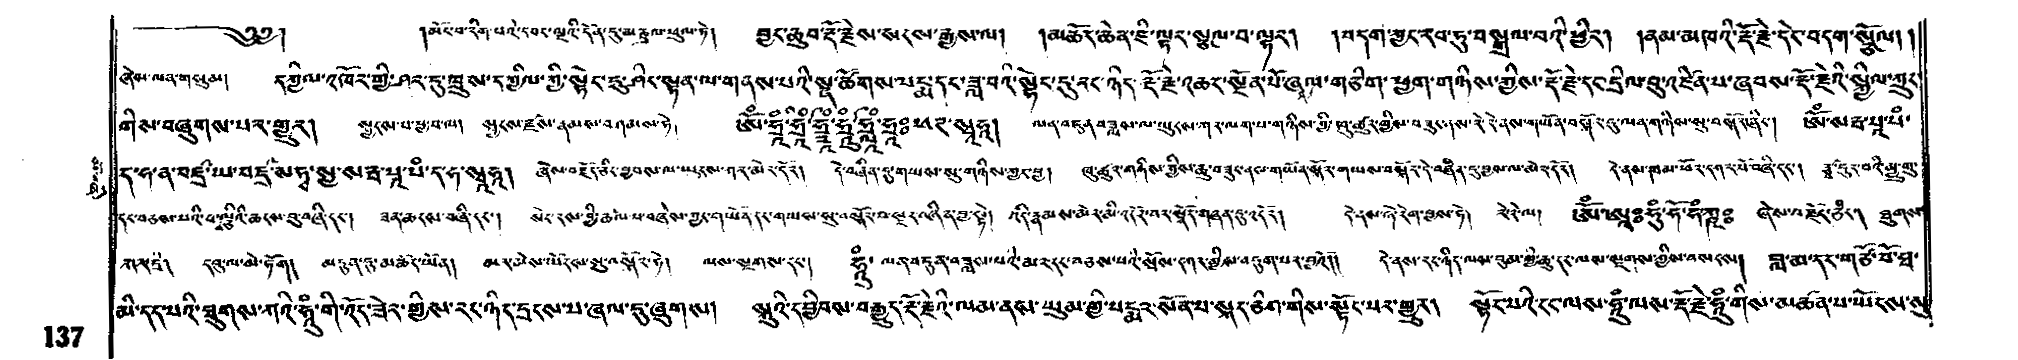༄༅། །མོང་བ་རིག་པའི་དབང་ལྔའི་དོན་དུ་མཎྜལ་ཕུལ་ཏེ། བྱང་ཆུབ་རྡོ་རྗེས་སངས་རྒྱས་ལ། །མཆོད་ཆེན་ཇི་ལྟར་སྩལ་བ་ལྟར། །བདག་ཀྱང་རབ་ཏུ་བསྒྲལ་བའི་ཕྱིར། །ནམ་མཁའི་རྡོ་རྗེ་དེང་བདག་སྩོལ།།
ཞེས་ལན་གསུམ།  དཀྱིལ་འཁོར་གྱི་ཤར་དུ་ཁྲུས་དཀྱིལ་ཀྱི་སྟེང་དུ་ཤིང་སྟན་ལ་གནས་པའི་སྣ་ཚོགས་པདམ་དང་ཟླ་བའི་སྟེང་དུ་རང་ཉིད་རྡོ་རྗེ་འཆང་སྔོན་པོ་ཞལ་གཅིག་ཕྱག་གཉིས་ཀྱིས་རྡོ་རྗེ་དང་དྲིལ་བུ་འཛིན་པ་ཞབས་རྡོ་རྗེའི་སྐྱིལ་ཀྲུང་
གིས་བཞུགས་པར་གྱུར། སྤྱངས་པ་བྱ་བ་ལ། སྦྱངས་རྫས་རྣམས་བཤམས་ཏེ།  ཨོཾ་ཧྲཱཾ་ཧྲཱྀཾ་ཧྲྲཱྀཾ་ཧྲླཱྀཾ་ཧྲཱཿ ཕཊ་སྭཱཧཱ། ལན་བདུན་བཟླས་ལ་ཡུངས་ཀར་ལག་པ་གཉིས་ཀྱི་ཁུ་ཚུར་གྱིས་བཟུང་ནས་རེ་རེ་ནས་གཡོན་བསྐོར་དུ་ལན་གཉིས་སུ་བསྐོར་ཞིང་།  ཨོཾ་སརྦ་པཱ་པཾ་
ད་ཧ་ན་བཛྲ་ཡ་བཛྲ་སཏྭ་སྱ་སརྦ་པཱ་པཾ་ད་ཧ་སྭཱཧཱ། ཞེས་བརྗོད་ཅིང་བྱབས་ལ་ཡུངས་ཀར་མེར་དོར། དེ་བཞིན་དུ་གཡས་སུ་གཉིས་ཀྱང་བྱ། ཁུ་ཚུར་གཉིས་ཀྱིས་ཆུ་བཟུང་ནས་གཡོན་སྐོར་གཡས་བསྐོར་དེ་བཞིན་དུ་བྱས་ལ་མེད་དོར། དེ་ནས་ཁམ་ཕོར་དཀར་པོ་བཞི་དང་། རྩྭ་དུར་བའི་མྱུ་གུ་
དང་བཅས་པའི་བ་བླྕིའི་ཆངས་བུ་བཞི་དང་། ཟན་ཆངས་བཞི་དང་། སེང་རས་བྱི་ཚལ་པ་བཞེས་ཀྱང་གཡོན་དང་གཡས་སུ་བསྐོར་བ་སྔར་བཞིན་བྱ་སྟེ། འདི་རྣམས་མེར་མི་འདོར་བར་སྣོད་གཞན་དུ་འདོར། དེ་ནས་ཉེ་རེག་བྱས་ཏེ། རེ་རེ་ལ། ཨོཾ་ཨཱཿ ཧུཾ་ཧོ་ཧཾ་ཀྵཿ ཞེས་བརྗོད་ཅིང་། ཐུགས་
ཀར་དྲི། དབུ་ལ་མེ་ཏོག། མདུན་དུ་མཆོད་ཡོན། མར་མེས་ཡོངས་སུ་བསྐོར་ཏེ། ལས་སྔགས་དང་། ཧཱུཾ་ལན་བདུན་བཟླས་པའི་མར་དང་བཅས་པའི་སྤོས་དཀར་གྱིས་བཏུག་པར་བྱའོ།། དེ་ནས་རང་ཉིད་ལས་བུམ་གྱི་ཆུ་དང་ལས་སྔགས་ཀྱིས་བསངས།  བླ་མ་དང་གཙོ་བོ་ཐ་
མི་དད་པའི་ཐུགས་ཀའི་ཧཱུཾ་གི་འོད་ཟེར་གྱིས་རང་ཉིད་དྲངས་པ་ཞལ་དུ་ཞུགས། སྐུའི་དབྱིབས་བརྒྱུད་རྡོ་རྗེའི་ལམ་ནས་ཡུམ་གྱི་པདམར་སོན་པ་སྐད་ཅིག་གིས་སྟོང་པར་གྱུར། སྟོང་པའི་ངང་ལས་ཧཱུཾ་ལས་རྡོ་རྗེ་ཧཱུཾ་གིས་མཚན་པ་ཡོངས་སུ་